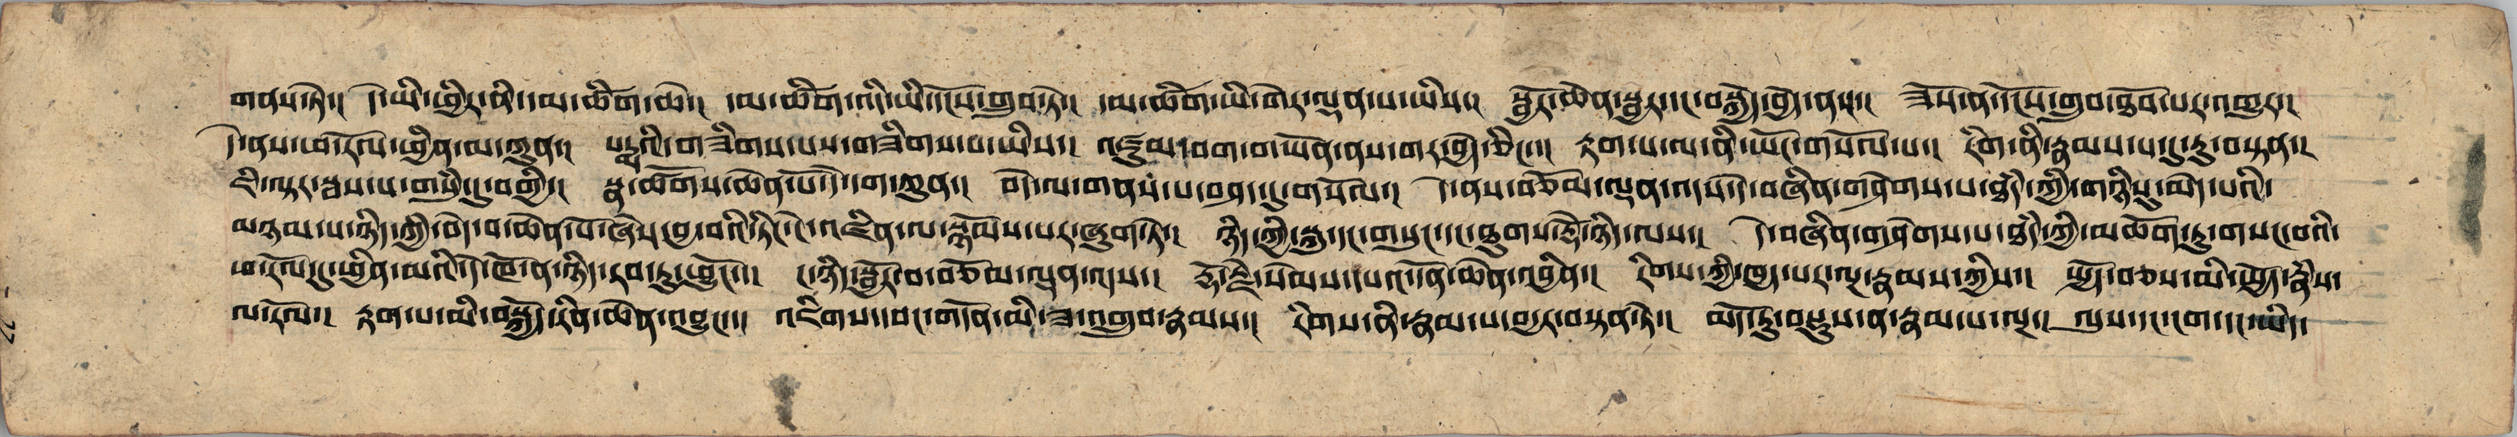གནས་ཏེ་། དེ་ཡི་ཕྱིར་ནི་དམ་ཚིག་ཆེ་། དམ་ཚིག་འདི་ཡི་དངོས་གྲུབ་ཏེ་། དམ་ཚིག་ཡི་གེར་ལྡན་པ་ཡིས་། སྦྱོར་ཆེན་སྦྱར་དང་བསྐྱེད་བྱེད་ན་། ཟོས་ན་དངོས་གྲུབ་ཐོབ་པར་འགྱུར་།
དེ་ནས་ཕ་རོལ་ཕྱིན་མ་ཀུན་། པདྨའི་གཟིགས་པས་གཟིགས་པ་ཡིས་། འཛུམ་བག་གཡོན་ནས་གར་བྱེད་ཅིང་་། རྟག་པ་ལ་ནི་ཡོང་གསོལ་པ་། རིག་ནི་རྣམས་པ་དུ་རུ་བསྟན་།
ཇི་ལྟར་སྦས་པ་གསུཾ་དུ་བགྱི་། སྣ་ཚོགས་ཆེན་པོ་དེ་དག་ཀུན་། བདེ་ལ་གནས་པ་བཤད་དུ་གསོལ་། དེ་ནས་བཅོམ་ལྡན་འདས་དེ་བཞིན་གཤེགས་པ་ཐདཾ་ཀྱི་གཉིསུ་མེད་པའི་
མཉམ་པ་ཉིད་ཀྱི་བདེ་བ་ཆེན་པོ་ཞེས་བྱ་བའི་ཏིང་ངེ་འཛིན་ལ་སྙོམས་པར་ཞུག་ཏེ་། ཉིད་ཀྱི་སྐུ་དང་གསུང་དང་ཐུགས་རྡོེ་ཉིད་ལས་། དེ་བཞིན་གཤེགས་པ་ཐདཾ་ཀྱི་མཆོག་ཏུ་གསང་བའི་
ཕ་རོལ་དུ་ཕྱིན་མའི་དེ་ཁོ་ན་ཉིད་རབ་ཏུ་ཕྱུངོ་་། ང་ཉིད་སྦྱོར་བ་བཅོམ་ལྡན་འདས་། རྡོ་རྗེ་སེམས་དཔའ་དོན་ཆེན་འབྱིན་། རིགས་ཀྱི་ཁྱད་པར་ལྔ་རྣམས་ཀྱིས་། སྤྱོད་བཅས་མི་སྤྱོད་རྣཾས་
ལ་རོལ་། རྟག་པ་མི་བསྐྱོད་རིན་ཆེན་འབྱུང་་། འཇིགས་དབང་གདོན་མི་ཟ་འགྲུབ་རྣམས་། རིགས་ནི་རྣམ་པ་བདྱར་བསྟན་ཏེ་། མདོ་རུ་བསྡུས་ན་རྣམ་པ་ལྔ་། ལུས་དང་ངག་དང་ཡིད་